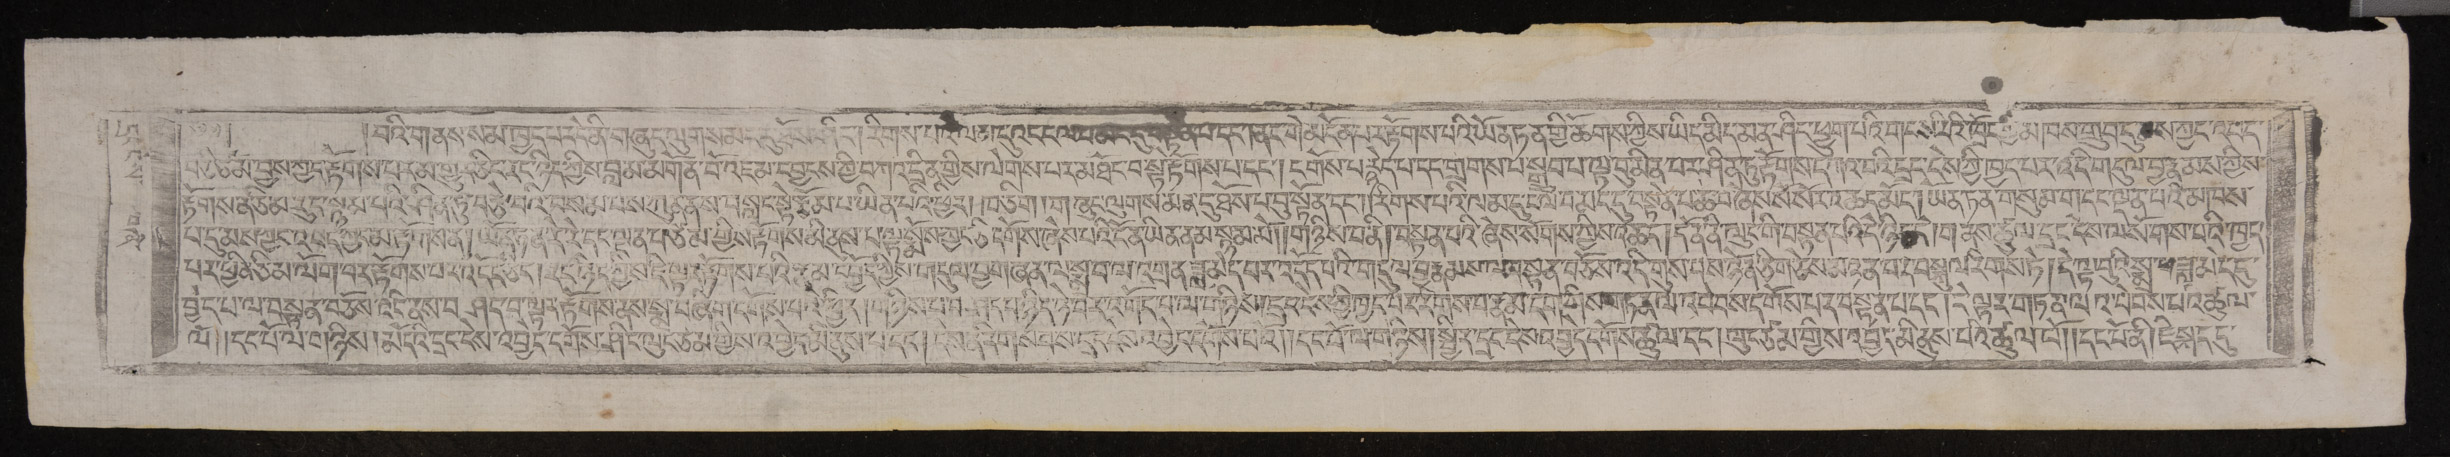༄༅། །བའི་གནས་སམ་ཁྱད་པར་དེ་ནི་གཞུང་ལུགས་མང་དུ་ཐོས་ཤིང་། རིགས་པའི་ལམ་དུའང་ངལ་བ་མང་དུ་བསྟེན་པ་དང་། ནང་གི་མངོན་པར་རྟོགས་པའི་ཡོན་ཏན་གྱི་ཚོགས་ཀྱིས་ཡིད་མི་དམན་ཤིང་ཕྱུག་པའི་གངས་རིའི་ཁྲོད་ཀྱི་མཁས་གྲུབ་དུ་མས་ཀྱང་འབད་
པ་ཅི་ཙམ་བྱས་ཀྱང་རྟོགས་པར་མ་གྱུར་ཅིང་རང་ཉིད་ཀྱིས་བླ་མ་མགོན་པོ་འཇམ་དབྱངས་ཀྱི་བཀའ་དྲིན་གྱིས་ལེགས་པར་མཐོང་བ་སྟེ་རྟོགས་པ་དང་། དགོས་པ་རྙེད་པ་དང་གྲགས་པ་སྒྲུབ་པ་ལྟ་བུ་མིན་པ་ཤིན་ཏུ་རྟོགས་དཀའ་བའི་དྲང་ངེས་ཀྱི་ཁྱད་པར་འདི་གདུལ་བྱ་རྣམས་ཀྱིས་
རྟོགས་ན་ཅི་མ་རུང་སྙམ་པའི་ཤིན་ཏུ་བརྩེ་བའི་བསམ་པས་ཀུན་ནས་བསླང་སྟེ་རྩོམ་པ་ཡིན་པའི་ཕྱིར། ཁ་ཅིག །གཞུང་ལུགས་མང་དུ་ཐོས་པ་བུ་སྟོན་དང་། །རིགས་པའི་ལམ་དུ་ངལ་བ་མང་དུ་བསྟེན་པ་ཆ་པ་ཞེས་སོ་སོར་འཆད་མོད། ཡོན་ཏན་གསུམ་ག་དང་ལྡན་པའི་མཁས་
པ་དུ་མས་ཀྱང་འབད་ཀྱང་མ་རྟོགས་ན། ཡོན་ཏན་རེ་རེ་དང་ལྡན་པ་ཙམ་གྱིས་རྟོགས་མི་ནུས་པ་ལྟ་སྨོས་ཀྱང་ཅི་དགོས་ཞེས་པའི་དོན་ཡིན་ནམ་སྙམ་མོ། །གཉིས་པ་ནི། བསྟན་པའི་ཞེས་སོགས་ཀྱིས་འཆད། དོན་ནི་ལུང་གི་བསྟན་པའི་དེ་ཉིད་དེ། གནས་ཚུལ་དྲང་ངེས་ལ་སོགས་པའི་ཁྱད་
པར་ཕྱིན་ཅི་མ་ལོག་པར་རྟོགས་པར་འདོད་ཅིང་། རང་ཉིད་ཀྱིས་ཇི་ལྟར་རྟོགས་པའི་རྣམ་དཔྱོད་ཀྱིས་གདུལ་བྱ་གཞན་ལ་སྨྲ་བ་ལ་འགྲན་ཟླ་མེད་པར་འདོད་པའི་གདུལ་བྱ་རྣམས་ལ་བསྟན་བཅོས་འདི་གུས་པས་ཉོན་ཅིག་ཅེས་མཉན་པར་བསྐུལ་རིགས་ཏེ། དེ་ལྟ་བུའི་སྨྲ་བ་ཟླ་མེད་དུ་
བྱེད་པ་ལ་བསྟན་བཅོས་འདི་ནས་བཤད་པ་ལྟར་རྟོགས་ནས་སྨྲ་བ་ཞིག་དགོས་པའི་ཕྱིར། གཉིས་པ་བཤད་པ་ཉིད་ཉེ་བར་འགོད་པ་ལ་གཉིས། དྲང་ངེས་ཀྱི་ཁྱད་པར་རིགས་པ་རྣམ་དག་གིས་གཏན་ལ་འབེབས་དགོས་པར་བསྟན་པ་དང་། དེ་ལྟར་གཏན་ལ་འབེབས་པའི་ཚུལ་
ལོ། །དང་པོ་ལ་གཉིས། མདོའི་དྲང་ངེས་འབྱེད་དགོས་ཤིང་ལུང་ཙམ་གྱིས་འབྱེད་མི་ནུས་པ་དང་། དས་ན་རིགས་པས་དྲང་ངེས་འབྱེད་དགོས་པའོ། །དང་པོ་ལ་གཉིས། སྤྱིར་དྲང་ངེས་འབྱེད་དགོས་ཚུལ་དང་། ལུང་ཙམ་གྱིས་འབྱེད་མི་ནུས་པའི་ཚུལ་ལོ། །དང་པོ་ནི། ཇི་སྐད་དུ་